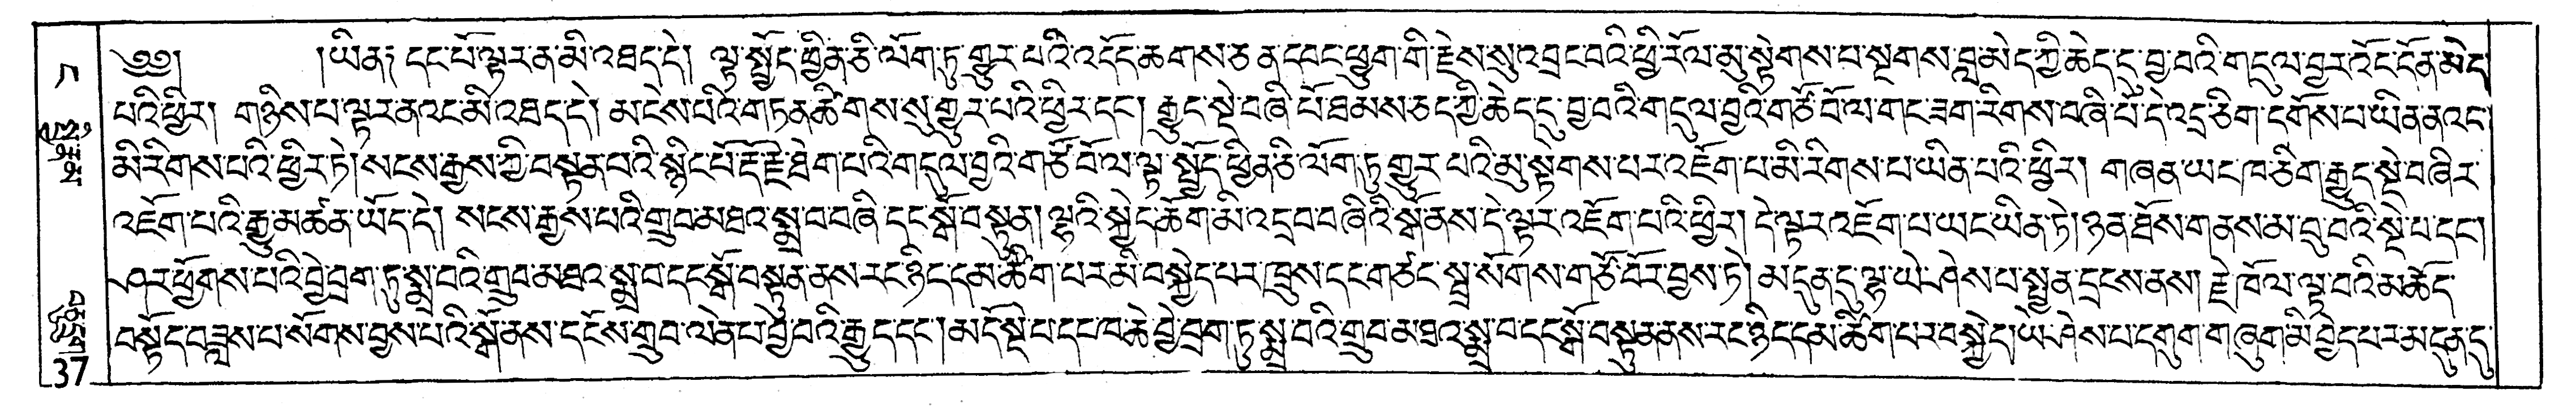༄༅། །ཡིན། དང་པོ་ལྟར་ན་མི་འཐད་དེ། ལྟ་སྤྱོད་ཕྱིན་ཅི་ལོག་ཏུ་གྱུར་པའི་འདོད་ཆགས་ཅན་དབང་ཕྱུག་གི་རྗེས་སུ་འབྲང་བའི་ཕྱི་རོལ་མུ་སྟེགས་པ་སྔགས་བླ་མེད་ཀྱི་ཆེད་དུ་བྱ་བའི་གདུལ་བྱར་འོང་དོན་མེད་
པའི་ཕྱིར། གཉིས་པ་ལྟར་ནའང་མི་འཐད་དེ། མ་ངེས་པའི་གཏན་ཚིགས་སུ་གྱུར་པའི་ཕྱིར་དང་། རྒྱུད་སྡེ་བཞི་པོ་ཐམས་ཅད་ཀྱི་ཆེད་དུ་བྱ་བའི་གདུལ་བྱའི་གཙོ་བོ་ལ་གང་ཟག་རིགས་བཞི་པོ་དེ་འདྲ་ཅིག་དགོས་པ་ཡིན་ནའང་
མི་རིགས་པའི་ཕྱིར་ཏེ། སངས་རྒྱས་ཀྱི་བསྟན་པའི་སྙིང་པོ་རྡོ་རྗེ་ཐེག་པའི་གདུལ་བྱའི་གཙོ་བོ་ལ་ལྟ་སྤྱོད་ཕྱིན་ཅི་ལོག་ཏུ་གྱུར་པའི་མུ་སྟེགས་པར་འཇོག་པ་མི་རིགས་པ་ཡིན་པའི་ཕྱིར། གཞན་ཡང་ཁ་ཅིག་རྒྱུད་སྡེ་བཞིར་
འཇོག་པའི་རྒྱུ་མཚན་ཡོད་དེ། སངས་རྒྱས་པའི་གྲུབ་མཐའ་སྨྲ་བ་བཞི་དང་སྒོ་བསྟུན། ལྷའི་སྐྱེད་ཆོག་མི་འདྲ་བ་བཞིའི་སྒོ་ནས་དེ་ལྟར་འཇོག་པའི་ཕྱིར། དེ་ལྟར་འཇོག་པ་ཡང་ཡིན་ཏེ། ཉན་ཐོས་གནས་མ་བུ་བའི་སྡེ་པ་དང་།
ཤར་ཕྱོགས་པའི་བྱེ་བྲག་ཏུ་སྨྲ་བའི་གྲུབ་མཐའ་སྨྲ་བ་དང་སྒོ་བསྟུན་ནས་རང་ཉིད་དམ་ཚིག་པར་མི་བསྐྱེད་པར་ཁྲུས་དང་གཙང་སྦྲ་སོགས་གཙོ་བོར་བྱས་ཏེ། མདུན་དུ་ལྷ་ཡེ་ཤེས་པ་སྤྱན་དྲངས་ནས། རྗེ་ཁོལ་ལྟ་བའི་མཆོད་
བསྟོད་བཟླས་པ་སོགས་བྱས་པའི་སྒོ་ནས་དངོས་གྲུབ་ལེན་པ་བྱ་བའི་རྒྱུད་དང་། མདོ་སྡེ་པ་དང་ཁ་ཆེ་བྱེ་བྲག་ཏུ་སྨྲ་བའི་གྲུབ་མཐའ་སྨྲ་བ་དང་སྒོ་བསྟུན་ནས་རང་ཉིད་དམ་ཚིག་པར་བསྐྱེད། ཡེ་ཤེས་པ་དགུག་གཞུག་མི་བྱེད་པར་མདུན་དུ་